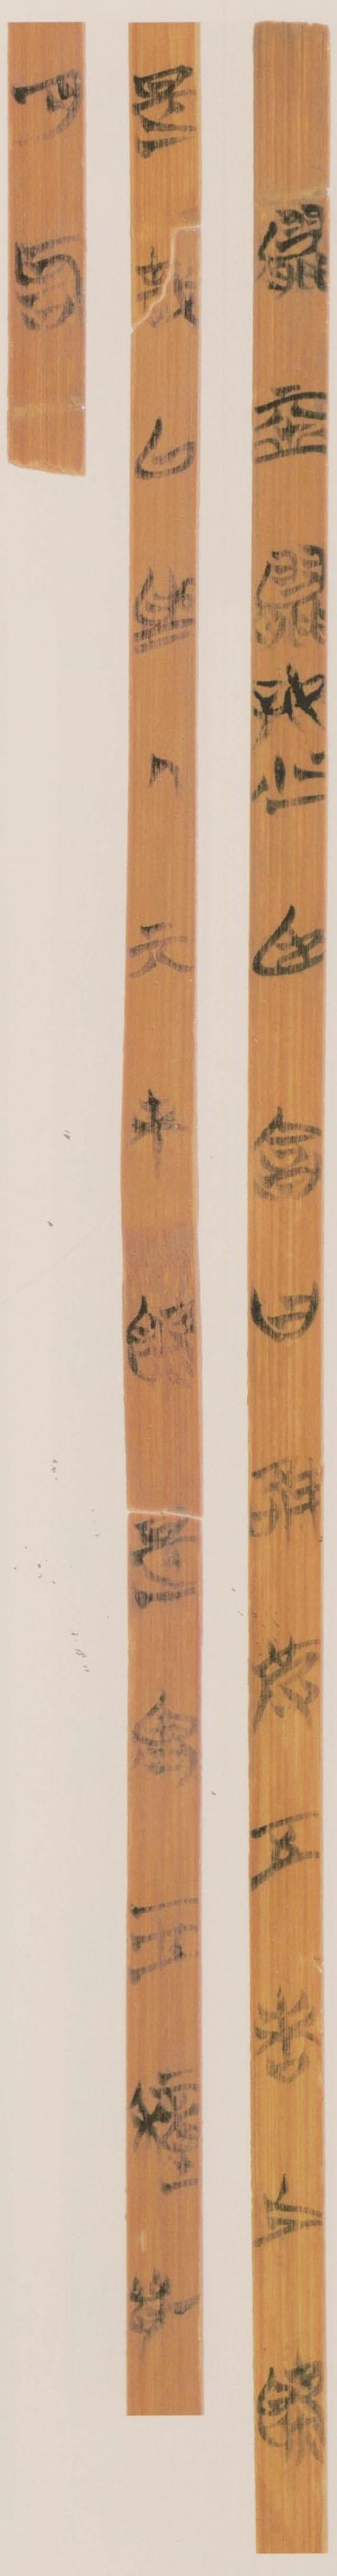{羽能}亞{羽能}好少臣合曰唯皮五味之{既火}是哉㠯（以）爲人亓末{既火}是胃玉穜{鼠一}月{㠯ㅋ}
